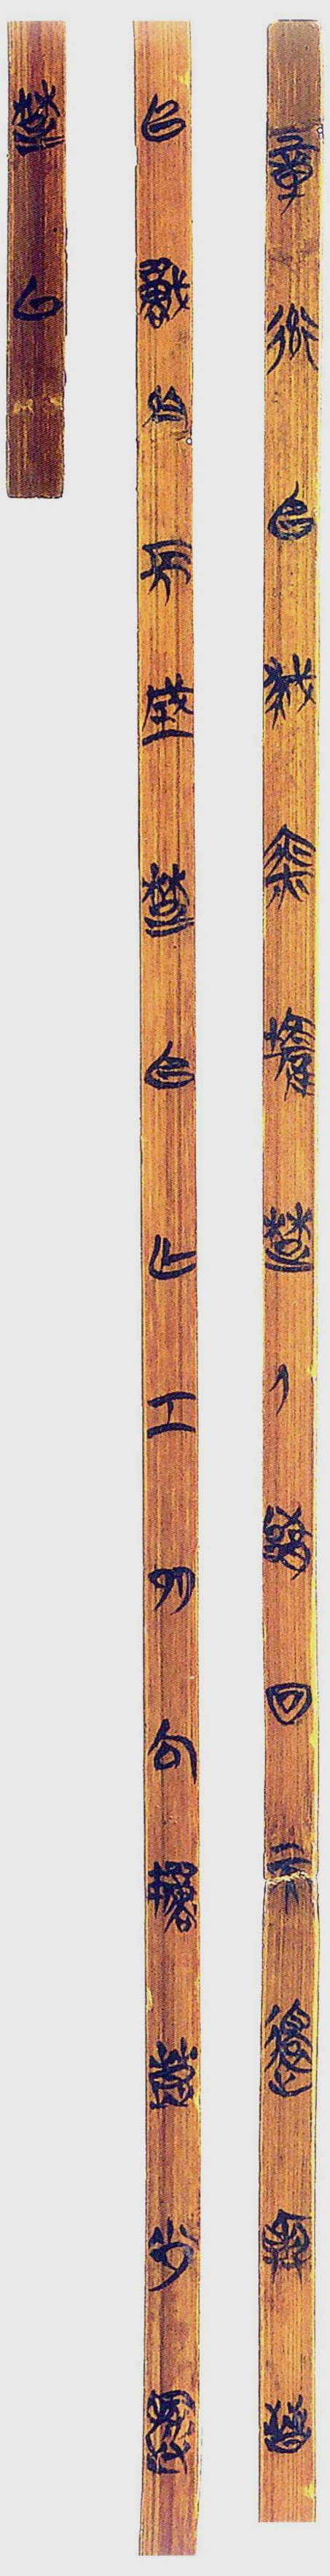章率𠂤{求戈}赤{土产隹}楚人豫回而還與晉𠂤戰於長城楚𠂤亡工多{勹厶}{巾單口}莫肖{豚止又}楚㠯（以）
